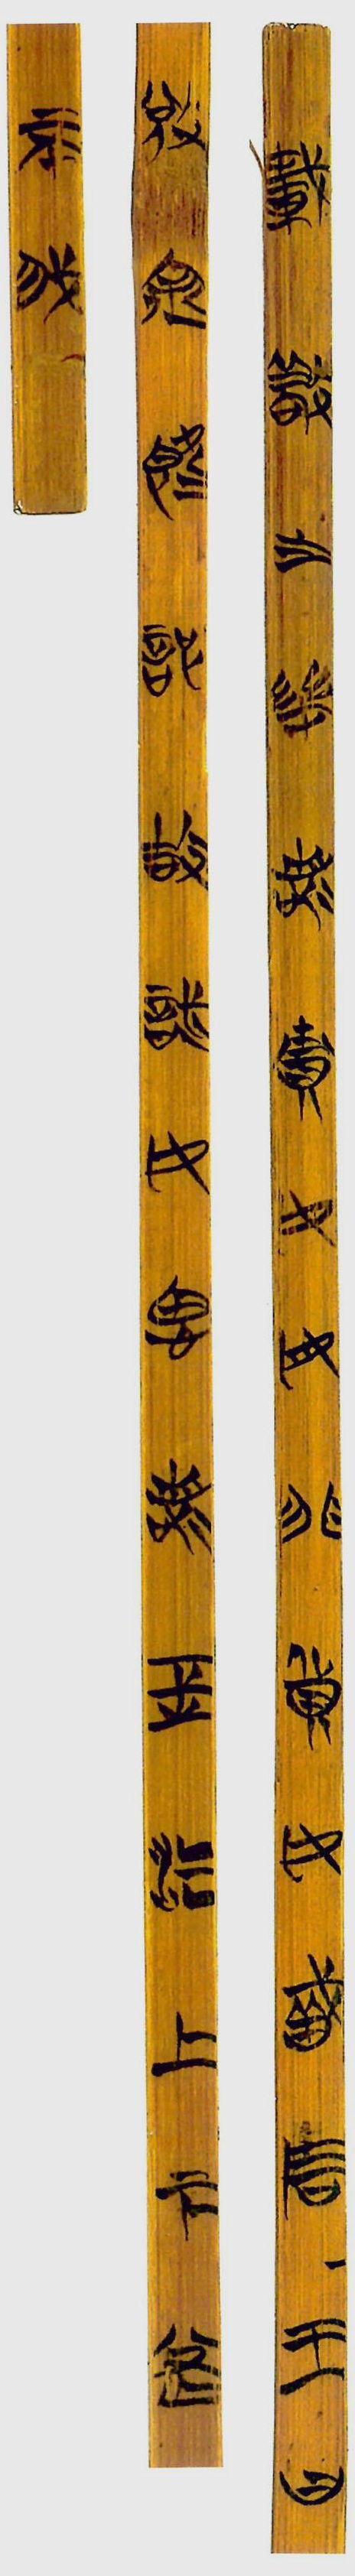載敬之𪪋（哉）若賈女母非貨女戠石王曰敓（說）余既䛊{吉攴}䛑女思若玉冰上下罔不我
